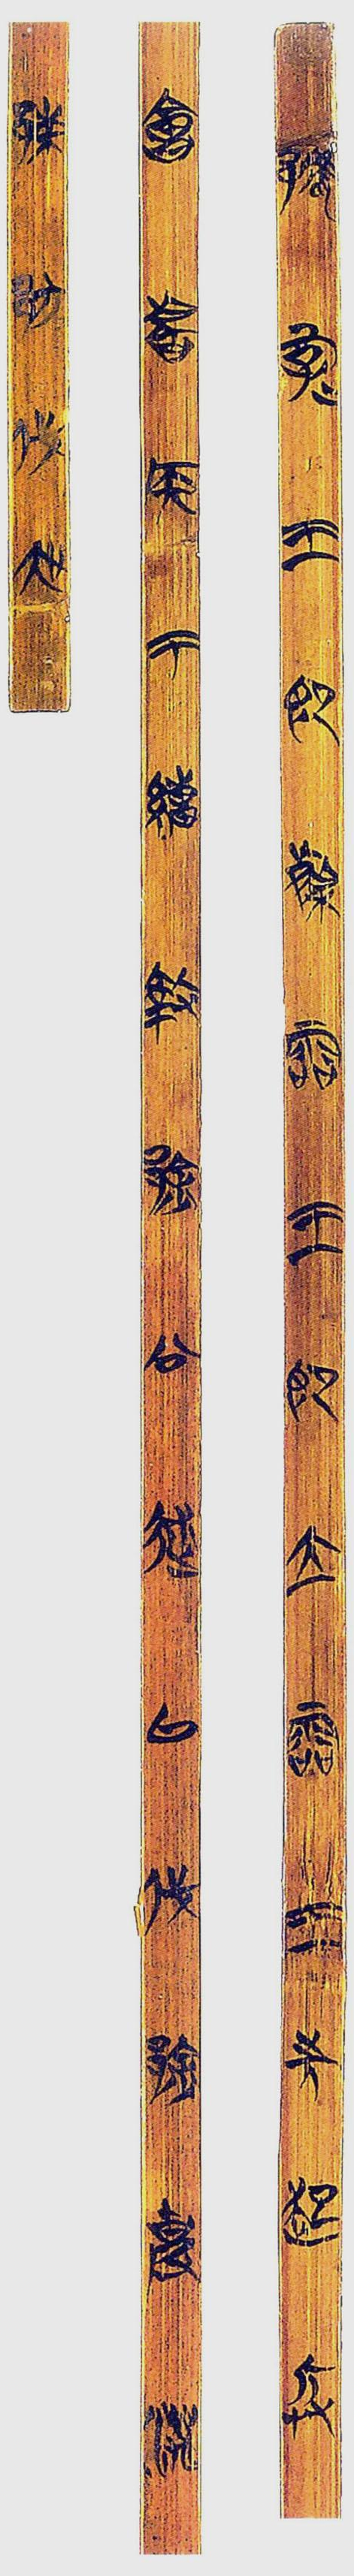{邑寽虎}乳=王即殜霝王即立霝王先起兵會者侯于{糸東田}{幸攴}{邑余}公述㠯（以）伐{邑余}尅澫邾邡伐吳
